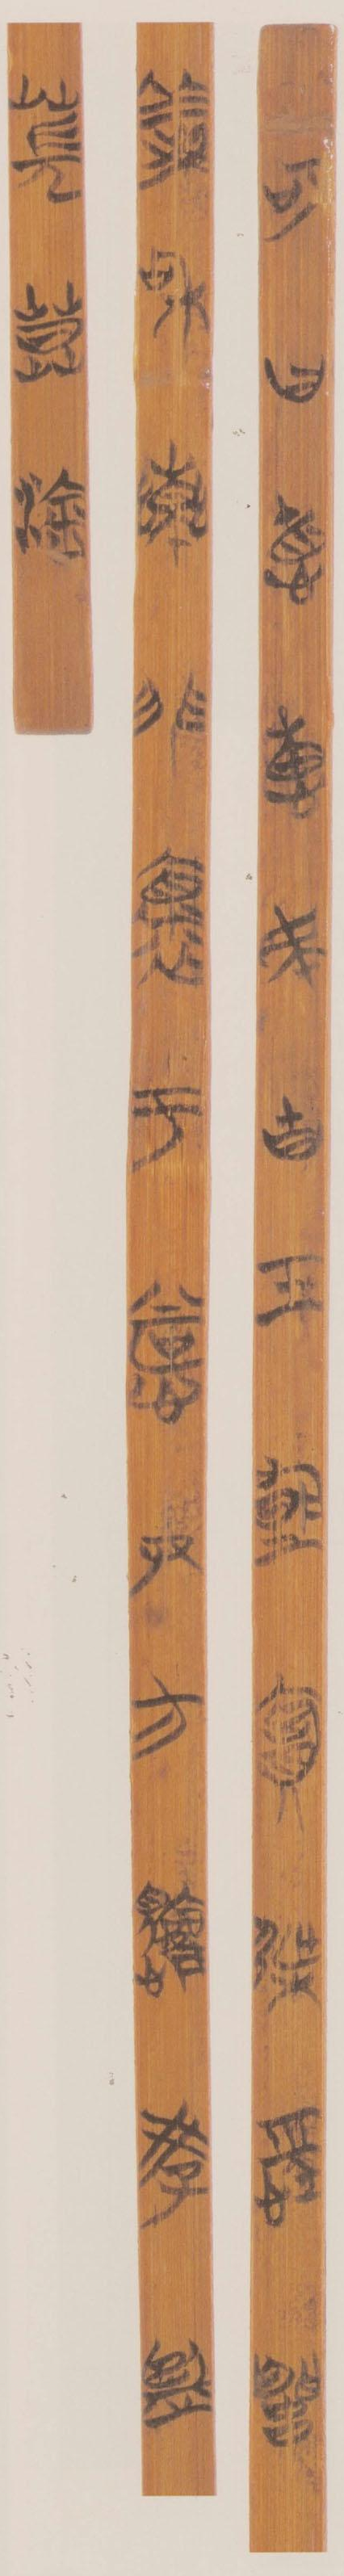名曰惪惠民由壬{土旬}{宀句貝}傑{心㸒}{門串}義和藥非褱于愖四方{觀心}𡥈監{艸𡵂}莫淦
